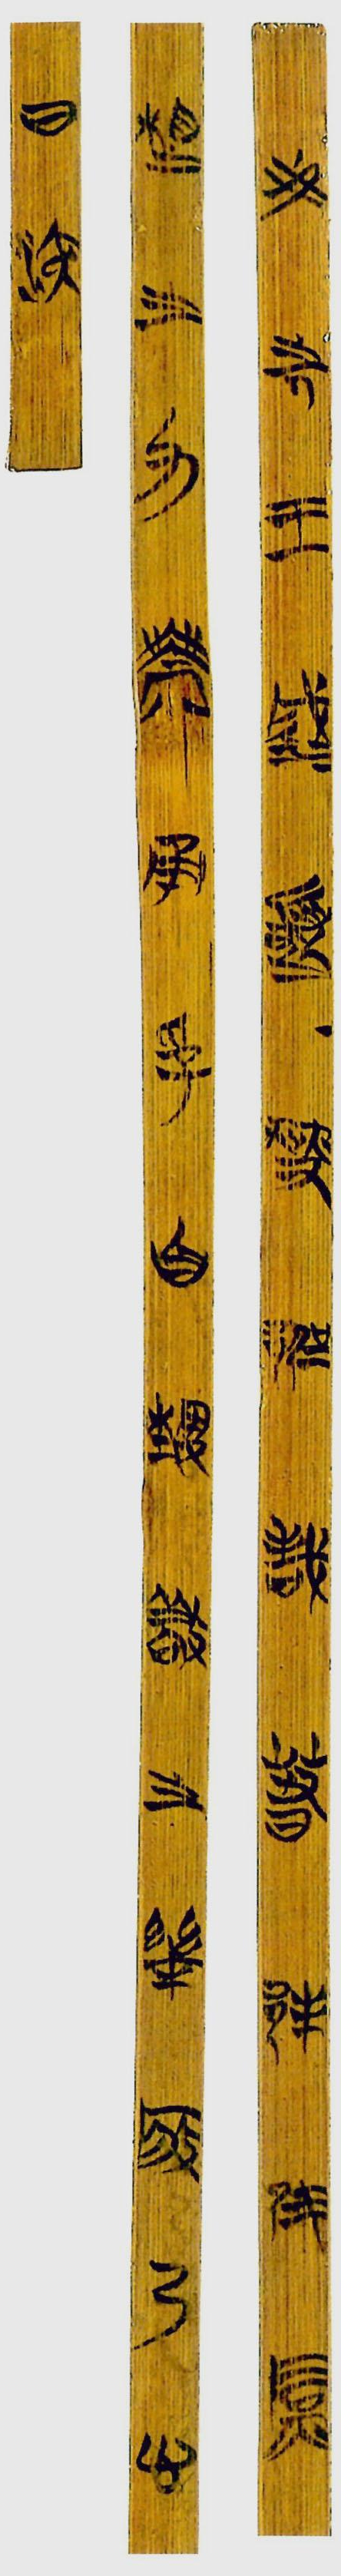我先王{水戌}{日止頁}（夏）{火火又}{邑弓口二}{毛戈口}萅邦隹庶{相止}之力{亠舛几}甬孚自{𡉣丮}敬之𪪋（哉）{戶攴}（啟）乃心日沃
